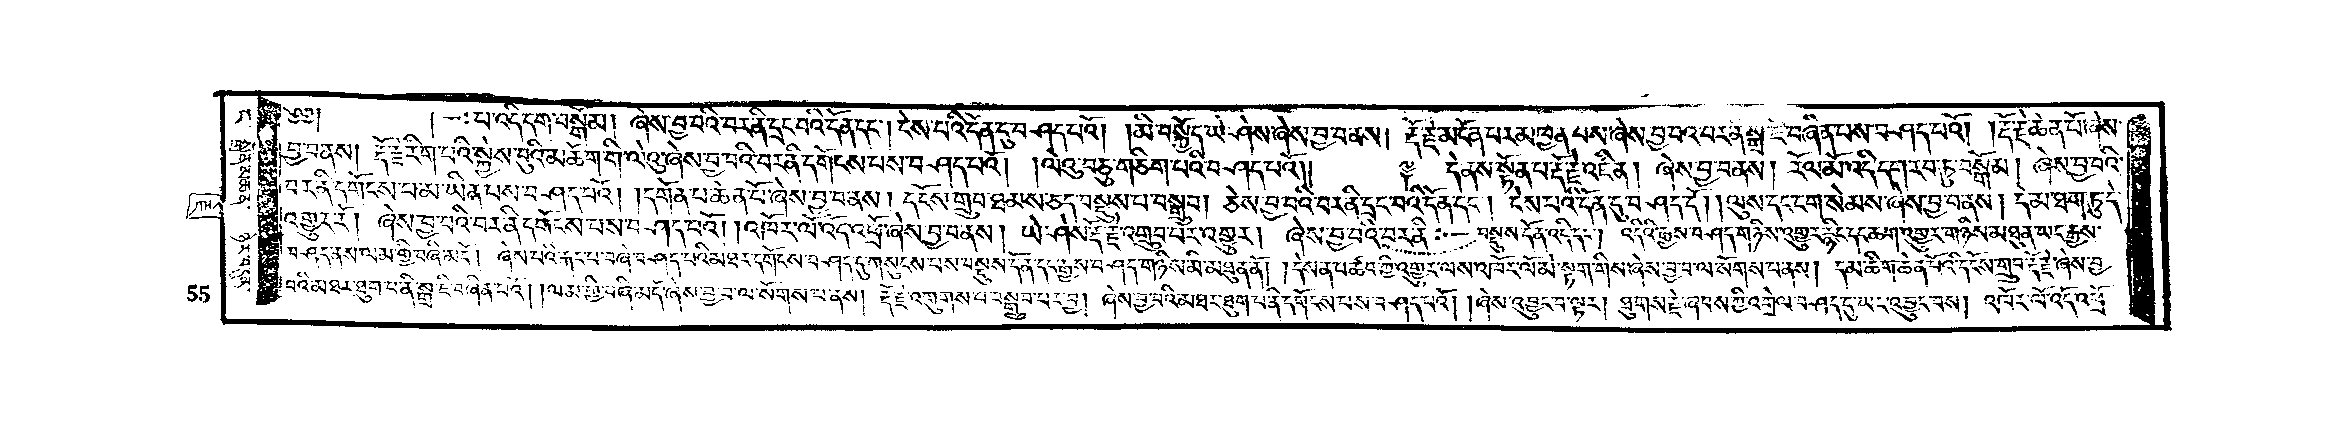༄༅། །.Hཔ་འདི་དག་བསྒོམ། ཞེས་བྱ་བའི་བར་ནི་དྲང་བའི་དོན་དང་། ངེས་པའི་དོན་དུ་བཤད་པའོ། །མི་བསྐྱོད་ཡེ་ཤེས་ཞེས་བྱ་བ་ནས། རྡོ་རྗེ་མངོན་པར་མཁྱེན་པས་ཞེས་བྱ་བའི་བར་ནི་སྒྲ་ཇི་བཞིན་པས་བཤད་པའོ། །རྡོ་རྗེ་ཆེན་པོ་ཞེས་
བྱ་བ་ནས། རྡོ་རྗེ་རིག་པའི་སྐྱེས་བུའི་མཆོག་གི་ལེའུ་ཞེས་བྱ་བའི་བར་ནི་དགོངས་པས་བཤད་པའོ། །ལེའུ་བཅུ་གཅིག་པའི་བཤད་པའོ།། ༈ དེ་ནས་སྟོན་པ་རྡོ་རྗེ་འཛིན། ཞེས་བྱ་བ་ནས། རོལ་མོ་འདི་དག་རབ་ཏུ་བསྒོམ། ཞེས་བྱ་བའི་
བར་ནི་དགོངས་པ་མ་ཡིན་པས་བཤད་པའོ། །དགོན་པ་ཆེན་པོ་ཞེས་བྱ་བ་ནས། དངོས་གྲུབ་ཐམས་ཅད་བསྡུས་པ་བསྒྲུབ། ཅེས་བྱ་བའི་བར་ནི་དྲང་བའི་དོན་དང་། ངེས་པའི་དོན་དུ་བཤད་དོ། །ལུས་དང་ངག་སེམས་ཞེས་བྱ་བ་ནས། དེ་མ་ཐག་ཏུ་དེ་
འགྱུར་རོ། ཞེས་བྱ་བའི་བར་ནི་དགོངས་པས་བཤད་པའོ། །འཁོར་ལོ་འོད་འཕྲོ་ཞེས་བྱ་བ་ནས། ཡེ་ཤེས་རྡོ་རྗེ་འགྲུབ་པར་འགྱུར། ཞེས་བྱ་བའི་བར་ནིཿ་བསྡུས་དོན་འདི་དང་། འདིའི་རྒྱས་བཤད་གཉིས་འགྱུར་རྙིང་དང་ཆག་འགྱུར་གཉིས་མཐུན་ཡང་རྒྱས་
བཤད་ནས་ལམ་གྱི་བཞི་མདོ། ཞེས་པའི་རྐང་པ་བཞི་བཤད་པའི་མཐར་དགོངས་བཤད་དུ་གསུངས་པས་བསྡུས་དོན་དང་རྒྱས་བཤད་གཉིས་མི་མཐུན་ནོ། །དེས་ན་པ་ཚབ་ཀྱི་འགྱུར་ལས་འཁོར་ལོ་མེ་སྟག་གིས་ཞེས་བྱ་བ་ལ་སོགས་པ་ནས། དམ་ཚིག་ཆེན་པོའི་དངོས་གྲུབ་རྡོ་རྗེ་ཞེས་བྱ་
པའི་མཐར་ཐུག་པ་ནི་སྒྲ་ཇི་བཞིན་པའོ། །ལམ་གྱི་བཞི་མདོ་ཞེས་བྱ་བ་ལ་སོགས་པ་ནས། རྡོ་རྗེ་འགུགས་པ་བསྒྲུབ་པར་བྱ། ཞེས་བྱ་བའི་མཐར་ཐུག་པ་ནི་དགོངས་པས་བཤད་པའོ། །ཞེས་འབྱུང་བ་ལྟར། ཐུགས་རྗེ་ཞབས་ཀྱི་འགྲེལ་བཤད་དུ་ཡང་འབྱུང་བས། འཁོར་ལོ་འོད་འཕྲོ་